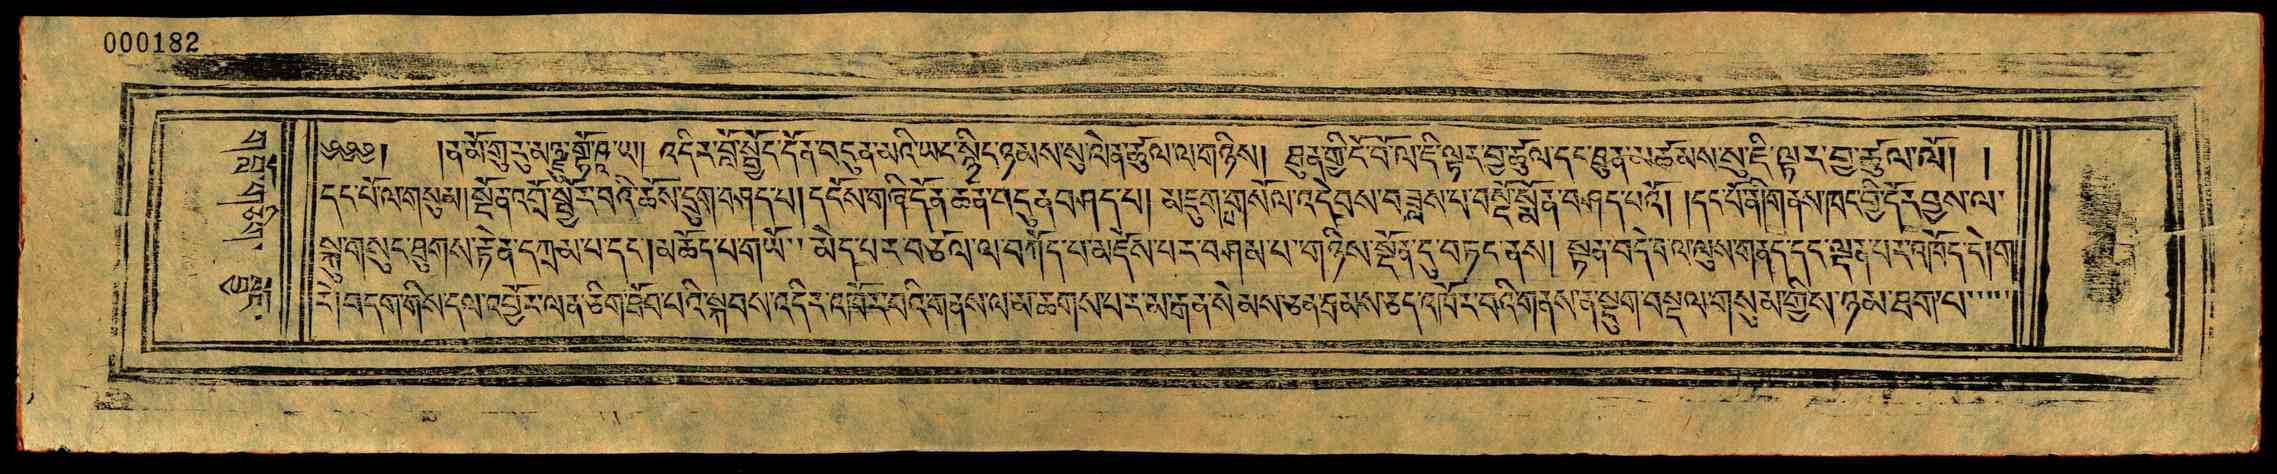༄༅༅། །ན་མོ་གུ་རུ་མཉྫུ་གྷོ་ཥཱ་ཡ། འདིར་བློ་སྦྱོང་དོན་བདུན་མའི་ཡང་སྙིང་ཉམས་སུ་ལེན་ཚུལ་ལ་གཉིས། ཐུན་གྱི་ངོ་བོ་ལ་ཇི་ལྟར་བྱ་ཚུལ་ལས་ཐུན་མཚམས་སུ་ཇི་ལྟར་བྱ་ཚུལ་ལོ། །
དང་པོ་ལ་གསུམ། སྔོན་འགྲོ་སྦྱོར་བའི་ཆོས་དྲུག་བཤད་པ། དངོས་གཞི་དོན་ཚན་བདུན་བཤད་པ། མཇུག་གསོལ་འདེབས་བཟླས་པ་བསྔོ་སྨོན་བཤད་པའོ། །དང་པོ་ནི། གནས་ཁང་བྱི་དོར་བྱས་ལ་
སྐུ་གསུང་ཐུགས་རྟེན་དགྲམ་པ་དང་། མཆོད་པ་གཡོ་མེད་པར་བཙལ་ལ་བཀོད་པ་མཛེས་པར་བཤམ་པ་གཉིས་སྔོན་དུ་བཏང་ནས། །སྟན་བདེ་བ་ལ་ལུས་གནད་དང་ལྡན་པར་འཁོད་དེ། ག་
རེ། བདག་གིས་དལ་འབྱོར་ལན་ཅིག་ཐོབ་པའི་སྐབས་འདིར་འཁོར་བའི་གནས་ལ་མ་ཆགས་པར་མ་རྒན་སེམས་ཅན་ཐམས་ཅད་འཁོར་བའི་གནས་ན་སྡུག་བསྔལ་གསུམ་གྱིས་ཉམ་ཐག་པ་